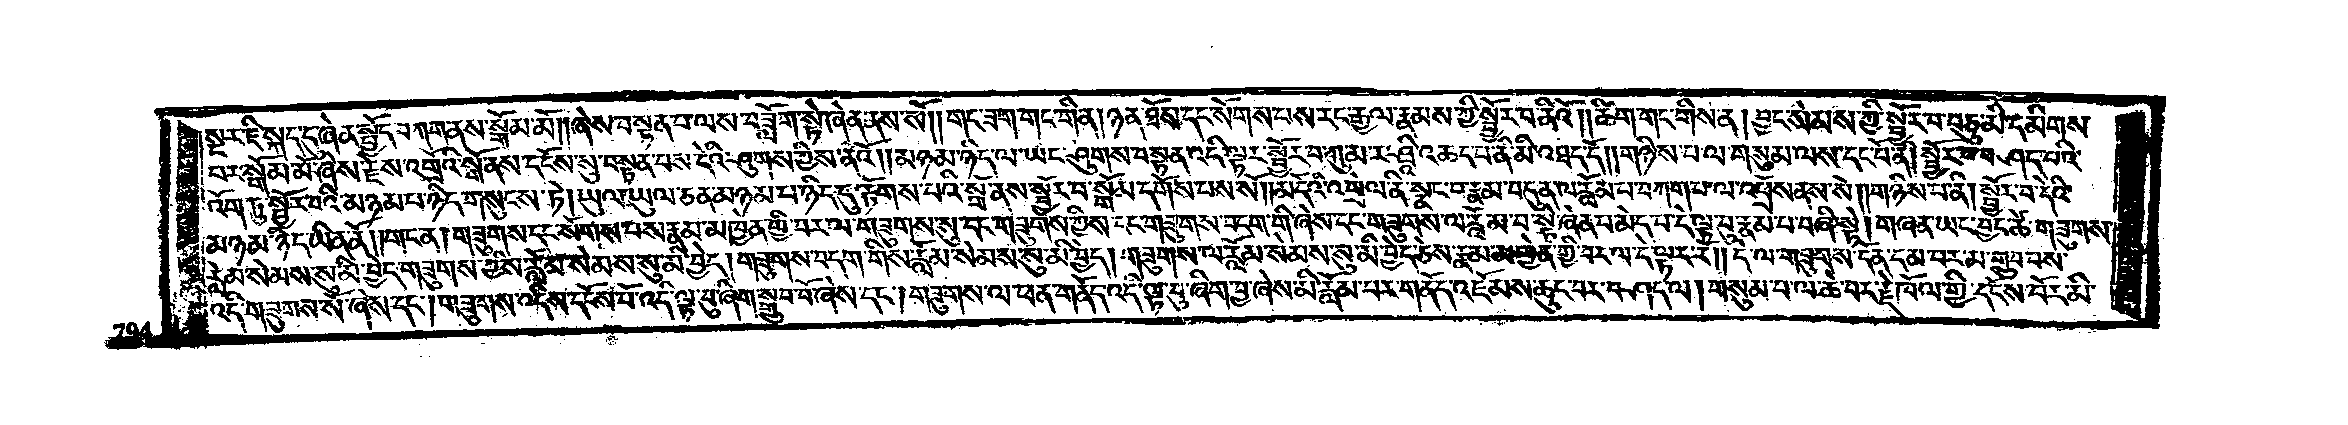སྔར་ཇི་སྐད་དུ་ཞེན་སྤྱོད་བཀག་ནས་སྒོམ་མོ། །ཞེས་བསྟན་པ་ལས་བཟློག་སྟེ་ཞེན་ནས་སོ། །གང་ཟག་གང་གི་ན། ཉན་ཐོས་དང་སོགས་པས་རང་རྒྱལ་རྣམས་ཀྱི་སྦྱོར་བ་ནིའོ། །ཚིག་གང་གིས་ན། བྱང་སེམས་ཀྱི་སྦྱོར་བ་བཅུ་མི་དམིགས་
པར་སྒོམ་མོ་ཞེས་རྗེས་འགྲོའི་སྒོ་ནས་དངོས་སུ་བསྟན་པས་དེའི་ཤུགས་ཀྱིས་ནའོ། །མཉམ་ཉིད་ལ་ཡང་ཤུགས་བསྟན་འདི་ལྟར་སྦྱོར་བ་ཀུ་མ་ར་ཤྲཱི་འཆད་པ་ནི་མི་འཐད་དོ། །གཉིས་པ་ལ་གསུམ་ལས་དང་པོ་ནི། སྦྱོར་བ་བཤད་པའི་
འོག་ཏུ་སྦྱོར་བའི་མཉམ་པ་ཉིད་གསུངས་ཏེ། ཡུལ་ཡུལ་ཅན་མཉམ་པ་ཉིད་དུ་རྟོགས་པའི་སྒོ་ནས་སྦྱོར་བ་སྒོམ་དགོས་པས་སོ། །མདོའི་འགྲེལ་ནི་སྣང་བ་རྣམ་བདུན་ལ་རློམ་པ་བཀག་པ་ལ་འཕྲོས་ནས་སོ། །གཉིས་པ་ནི། སྦྱོར་བ་དེའི་
མཉམ་ཉིད་ཡིན་ནོ། །གང་ན། གཟུགས་དང་སོགས་པས་རྣམ་མཁྱེན་གྱི་བར་ལ་གཟུགས་སུ་དང་གཟུགས་ཀྱིས་དང་གཟུགས་བདག་གི་ཞེས་དང་གཟུགས་ལ་རློམ་པ་སྟེ་ཞེན་པ་མེད་པ་དེ་ལྟ་བུ་རྣམ་པ་བཞི་སྟེ། གཞན་ཡང་བྱང་ཚེ་གཟུགས་
རློམ་སེམས་སུ་མི་བྱེད་གཟུགས་ཀྱིས་རློམ་སེམས་སུ་མི་བྱེད། གཟུགས་བདག་གིས་རློམ་སེམས་སུ་མི་བྱེད། གཟུགས་ལ་རློམ་སེམས་སུ་མི་བྱེད་ཅེས་རྣམ་མཁྱེན་གྱི་བར་ལ་དེ་ལྟར་རོ། །དེ་ལ་གཟུགས་དོན་དམ་པར་མ་གྲུབ་པས་
འདི་གཟུགས་སོ་ཞེས་དང་། གཟུགས་འདིས་དངོས་པོ་འདི་ལྟ་བུ་ཞིག་སྒྲུབ་བོ་ཞེས་དང་། གཟུགས་ལ་ཕན་གནོད་འདི་ལྟ་བུ་ཞིག་བྱ་ཞེས་མི་རློམ་པར་གནོད་འཇོམས་ཆུང་བར་བཤད་ལ། གསུམ་པ་ལ་ཆེ་བར་རྗེ་ཁོལ་གྱི་དངོས་པོར་མི་